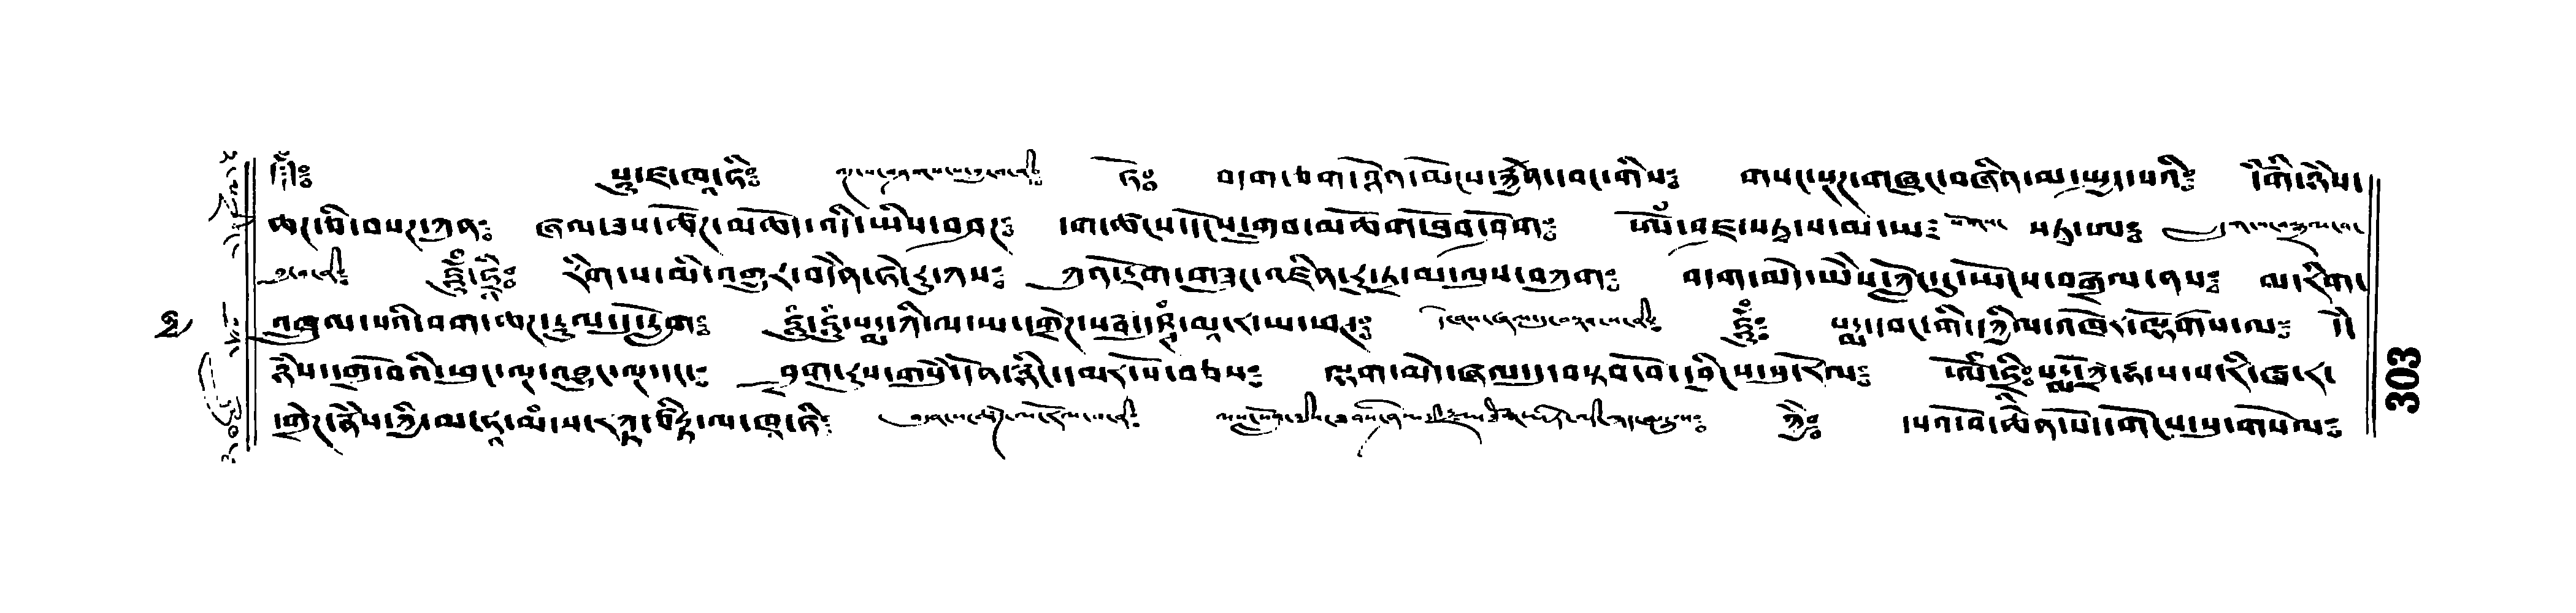པཱུ་ཛ་ཁཱ་ཧི༔ ལྔ་པ་བཤགས་པ་བྱ་བ་ནི༔ ཧོཿ བདག་ཅག་ཉོན་མོངས་རྐྱེན་དབང་གིས༔ གསང་སྔགས་གཞུང་བཞིན་མ་སྤྱད་པའི༔ དམ་ཚིག་ཉམས་
ཆག་ཅི་བསགས་ཀུན༔ ཞལ་ཟས་ཚོགས་མཆོད་འདི་ཡིས་བཤགས༔ དག་ཚངས་དངོས་གྲུབ་མཆོག་ཐོབ་ཤོག༔ ཨོཾ་བཛྲ་སཏྭ་ས་མ་ཡ༴ སོགས༔ ས་ཏྭ་ཨ༔ དྲུག་པ་བསྒྲལ་བ་
བྱ་བ་ནི༔ ཧཱུྃ་ཧྲཱིཿ རིག་པ་མི་འགྱུར་བདེ་ཆེན་ཧེ་རུ་ཀས༔ ཀུན་རྟོག་གཟུང་འཛིན་རུ་ཏྲ་མ་ལུས་བཀུག༔ བདག་མེད་ཡེ་ཤེས་ཀློང་དུ་ཡོངས་བསྒྲལ་བས༔ མ་རིག་
འཁྲུལ་པའི་བག་ཆགས་རྡུལ་དུ་རློག༔ ཧྃའུ་ཧྃའུ་པདྨ་ཀི་ལ་ཡ་དགྲ་བགེགས་སརྦ་དུཥྚཾ་མཱ་ར་ཡ་ཕཊ༔ དེ་ནས་ཞལ་དུ་བསྟབ་པ་ནི༔ ཧཱུྃ༔ པདྨ་དབང་གི་དཀྱིལ་འཁོར་ལྷ་ཚོགས་ལ༔ དམ་
ཉམས་དགྲ་བོའི་ཕུང་ལྔ་འབྱུང་ལྔ་དང༔ ཤ་ཁྲག་རུས་གསུམ་དོན་སྙིང་དམར་པོ་བཅས༔ ལྷག་མེད་ཞལ་དུ་བསྟབ་བོ་དབྱིངས་སུ་རོལ༔ ཨོཾ་ཧྲཱིཿཔདྨ་ཀྲོ་དྷ་ས་པ་རི་ཝ་ར་
དགྲ་བགེགས་རྣམས་ཀྱི་མ་ཧཱ་མཾ་ས་རཀྟ་ཙིཏྟ་ལ་ཁཱ་ཧི༔ བདུན་པ་ཚོགས་ལ་རོལ་བ་ནི༔ ལས་སློབ་ཀྱིས་ཐབས་ཤེས་ཀྱི་རྫས་ཐོགས་ཏེ་འདི་སྐད་བསྐུལ༔ ཀྱཻ༔ དཔའ་བོ་ཆེན་པོ་དགོངས་སུ་གསོལ༔